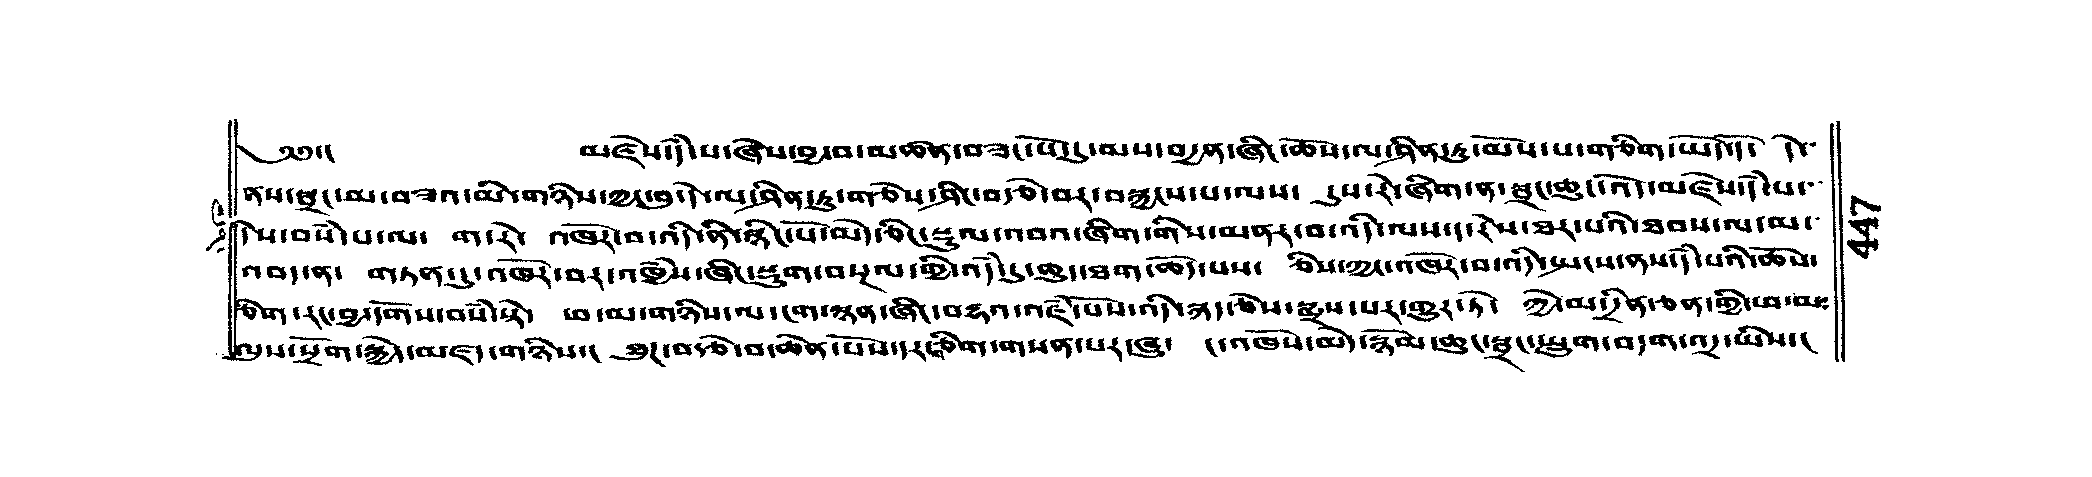མཛེས་དམ་པ་ཞེས་བྱ་བ་མཚན་བཟང་པོ་དུ་མས་བརྒྱན་ཞིང་ཆོས་ལ་ཤིན་ཏུ་མོས་པ་གཅིག་ཡོད་དོ། དེ་
ནས་སྦྲང་མ་བཟའ་མི་གཉིས་ཀྱང་བུ་དེ་ལ་ཤིན་ཏུ་གཅེས་ཤིང་བརྩེ་བས་བསྐྱངས་པ་ལས། དུས་རེ་ཞིག་ན་སྦྲང་ཆུང་འོད་མཛེས་དམ་པ་
དེས་བསམ་པ་ལ། ག་རེ་འཁོར་བ་འདི་ནི་སྙིང་པོ་མེད་ཅིང་སྡུག་བསྔལ་འབའ་ཞིག་གིས་མནར་བ་འདི་ལས་ད་རེས་ཐར་པའི་ཐབས་ལ་མ་
འབད་ན། གཏན་དུ་འཁོར་བར་འཁྱམས་ཞིང་སྡུག་བསྔལ་གྱི་འདམ་དུ་ཆུད་ཐག་ཆོད་པས། ཅིས་ཀྱང་འཁོར་བ་འདི་སྤངས་ནས་དམ་པའི་ཆོས་
ཤིག་རང་བྱ་དགོས་བསམ་སྟེ།ཕ་མ་གཉིས་ལ་ངག་སྙན་ཞིང་བརྡའ་འཇམ་པོས་འདི་སྐད་ཅེས་སྨྲས་པར་གྱུར་ཏེ། ཀྱེ་མ། དྲིན་ཅན་གྱི་ཕ་མ་
ལུས་སྲོག་སྐྱེད་མཛད་གཉིས། །ཐུགས་བརྩེ་བ་ཆེན་པོས་དར་གཅིག་གསན་པར་ཞུ། །ང་འཁོས་མེད་སྙོམ་ཆུང་སྦྲང་ཕྲུག་བདག་འདྲ་ཡིས།